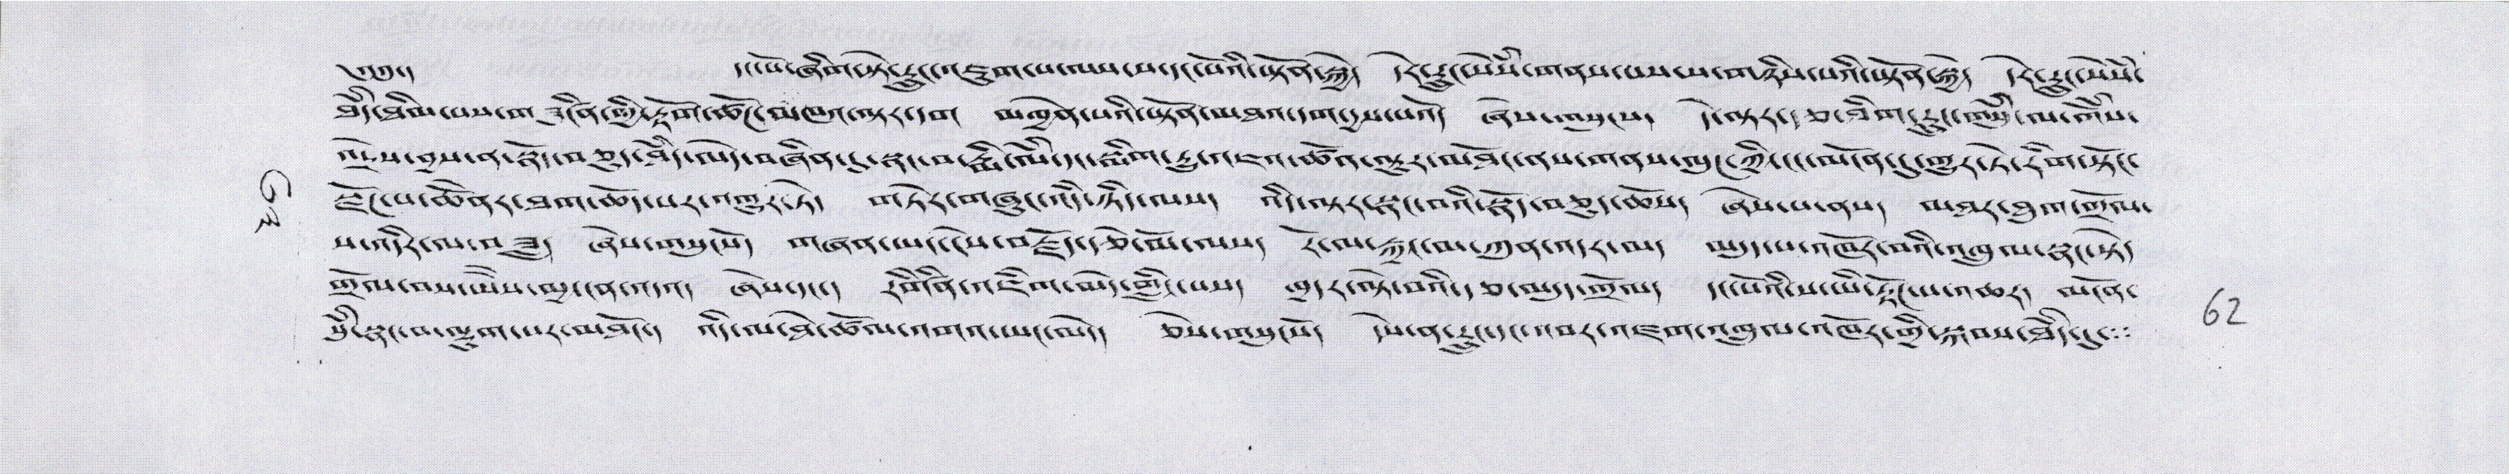དང་པོ་ཞིག་སྟེ་རླུང་འཇུག་པ་ལས་ས་དང་པོའི་ཡོན་ཏན་སྐྱེ། དེར་རླུང་སེམས་གནས་པས་ས་གཉིས་པའི་ཡོན་ཏན་སྐྱེ། དེར་རླུང་སེམས་ཐམས་
ཅད་ཐིམ་པས་གཟུང་འཛིན་གྱི་རྟོག་ཚོགས་མཁའ་ལྟར་དག མཁྱེན་པའི་ཡོན་ཏན་མཐའ་དག་རྒྱས་པའོ། ཞེས་གསུངས། དེ་ལྟར་རྩ་ཐིག་རླུང་གསུམ་ལ་གོམས་
འདྲིས་བྱས་ན་སྣོད་བཅུད་ཐམས་ཅད་མེད་བཞིན་དུ་སྣང་བ་རྨི་ལམ་དང་། སྨྲིག་སྒྱུ་འཇའ་ཚོན་ལྟ་བུ་མཐོང་ནས། གནས་ལུགས་ཀྱི་ངང་མངོན་དུ་གྱུར་ཏེ་རིག་སྟོང་
རྫོགས་པ་ཆེན་པོར་ཐག་ཆོད་པར་འགྱུར་ཏེ། གཏེར་གཞུང་འདི་ཉིད་ལས། འདི་ལྟར་སྣང་བའི་སྣོད་བཅུད་ཆོས། ཞེས་པ་ནས། མཐར་ཐུག་གྲོལ་
ས་འདིར་ལ་བཟླ། ཞེས་གསུངས་སོ། གཞན་ཡང་ངེས་བརྗོད་རྩེ་མོ་ལས། རོ་མ་རྐྱང་མ་ཀུན་འདར་མ། མདུད་པ་འཁོར་བའི་འཁྲུལ་སྣང་སྟེ། 
གྲོལ་བས་ཡེ་ཤེས་མྱ་ངན་འདའ། ཞེས་དང་། རིག་འཛིན་འཇིགས་མེད་གླིང་པས། ཁྱད་པར་ལྟེ་བའི་རྩ་མདུད་གྲོལ། དང་པོའི་ས་ལམ་རྟོགས་པ་འཆར། མངོན་
སུམ་སྣང་བ་ལྷུག་པར་མཐོང་། འདི་ལ་ཐེ་ཚོམ་འགའ་ཡང་མེད། ཅེས་གསུངས་སོ། དེས་ན་རླུང་དང་འབར་འཛག་འཁྲུལ་འཁོར་གྱི་སྐབས་ཐམས་ཅད་དུ་